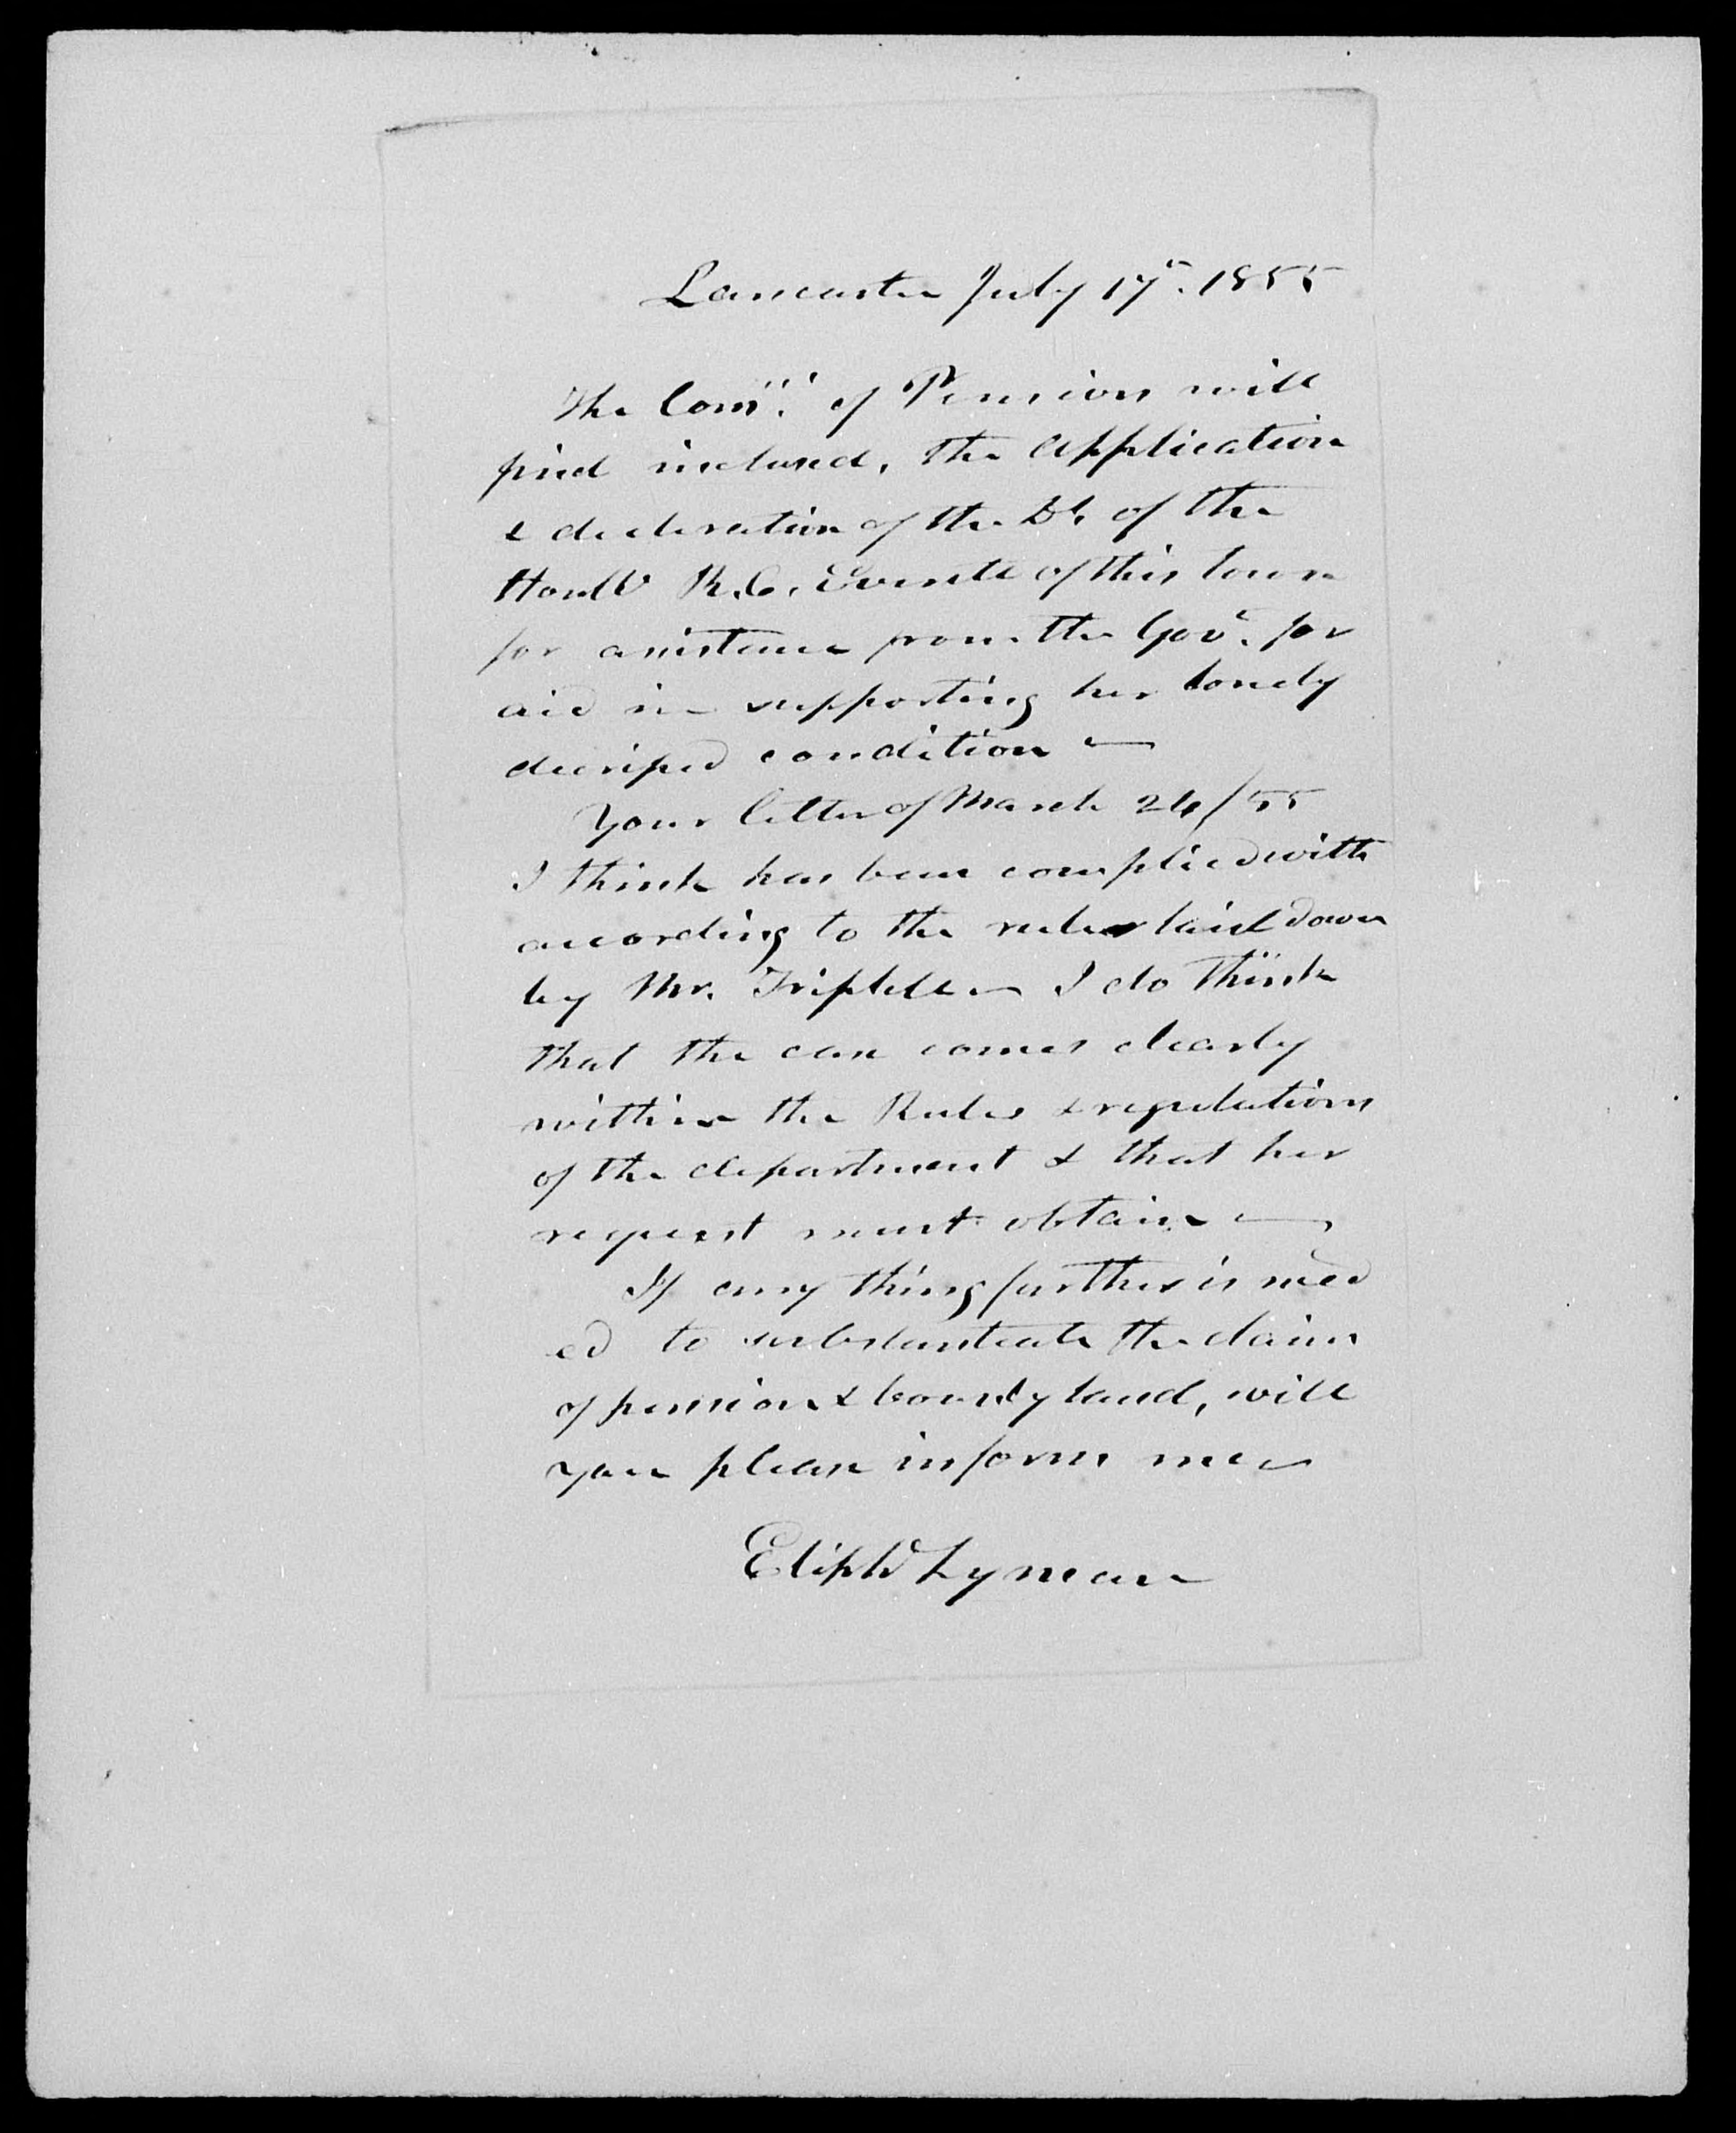Lancaster July 17th, 1855
The Commr. of Pension will find inclosed [enclosed], the application & declaration of the Dr. of the Honbl. R.C. Everett of this town for assistance from the Govr. for aid in supporting her lonely [illegible] condition_
Your letter of March 24/55 I think has been complied with according to the rule laid down by Mr. Triplett_ I do think that the case comes  clearly within the Rules & regulations of the department & that her request must obtain_
If anything further is needed to substantiate the claim of pension & bounty land, will you please inform me_
Eliph Lyman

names: R C Everett, Eliph Lyman, Triplett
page: 22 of 59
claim: widow's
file: W. 23017, Richard Clair Everett, Mass.